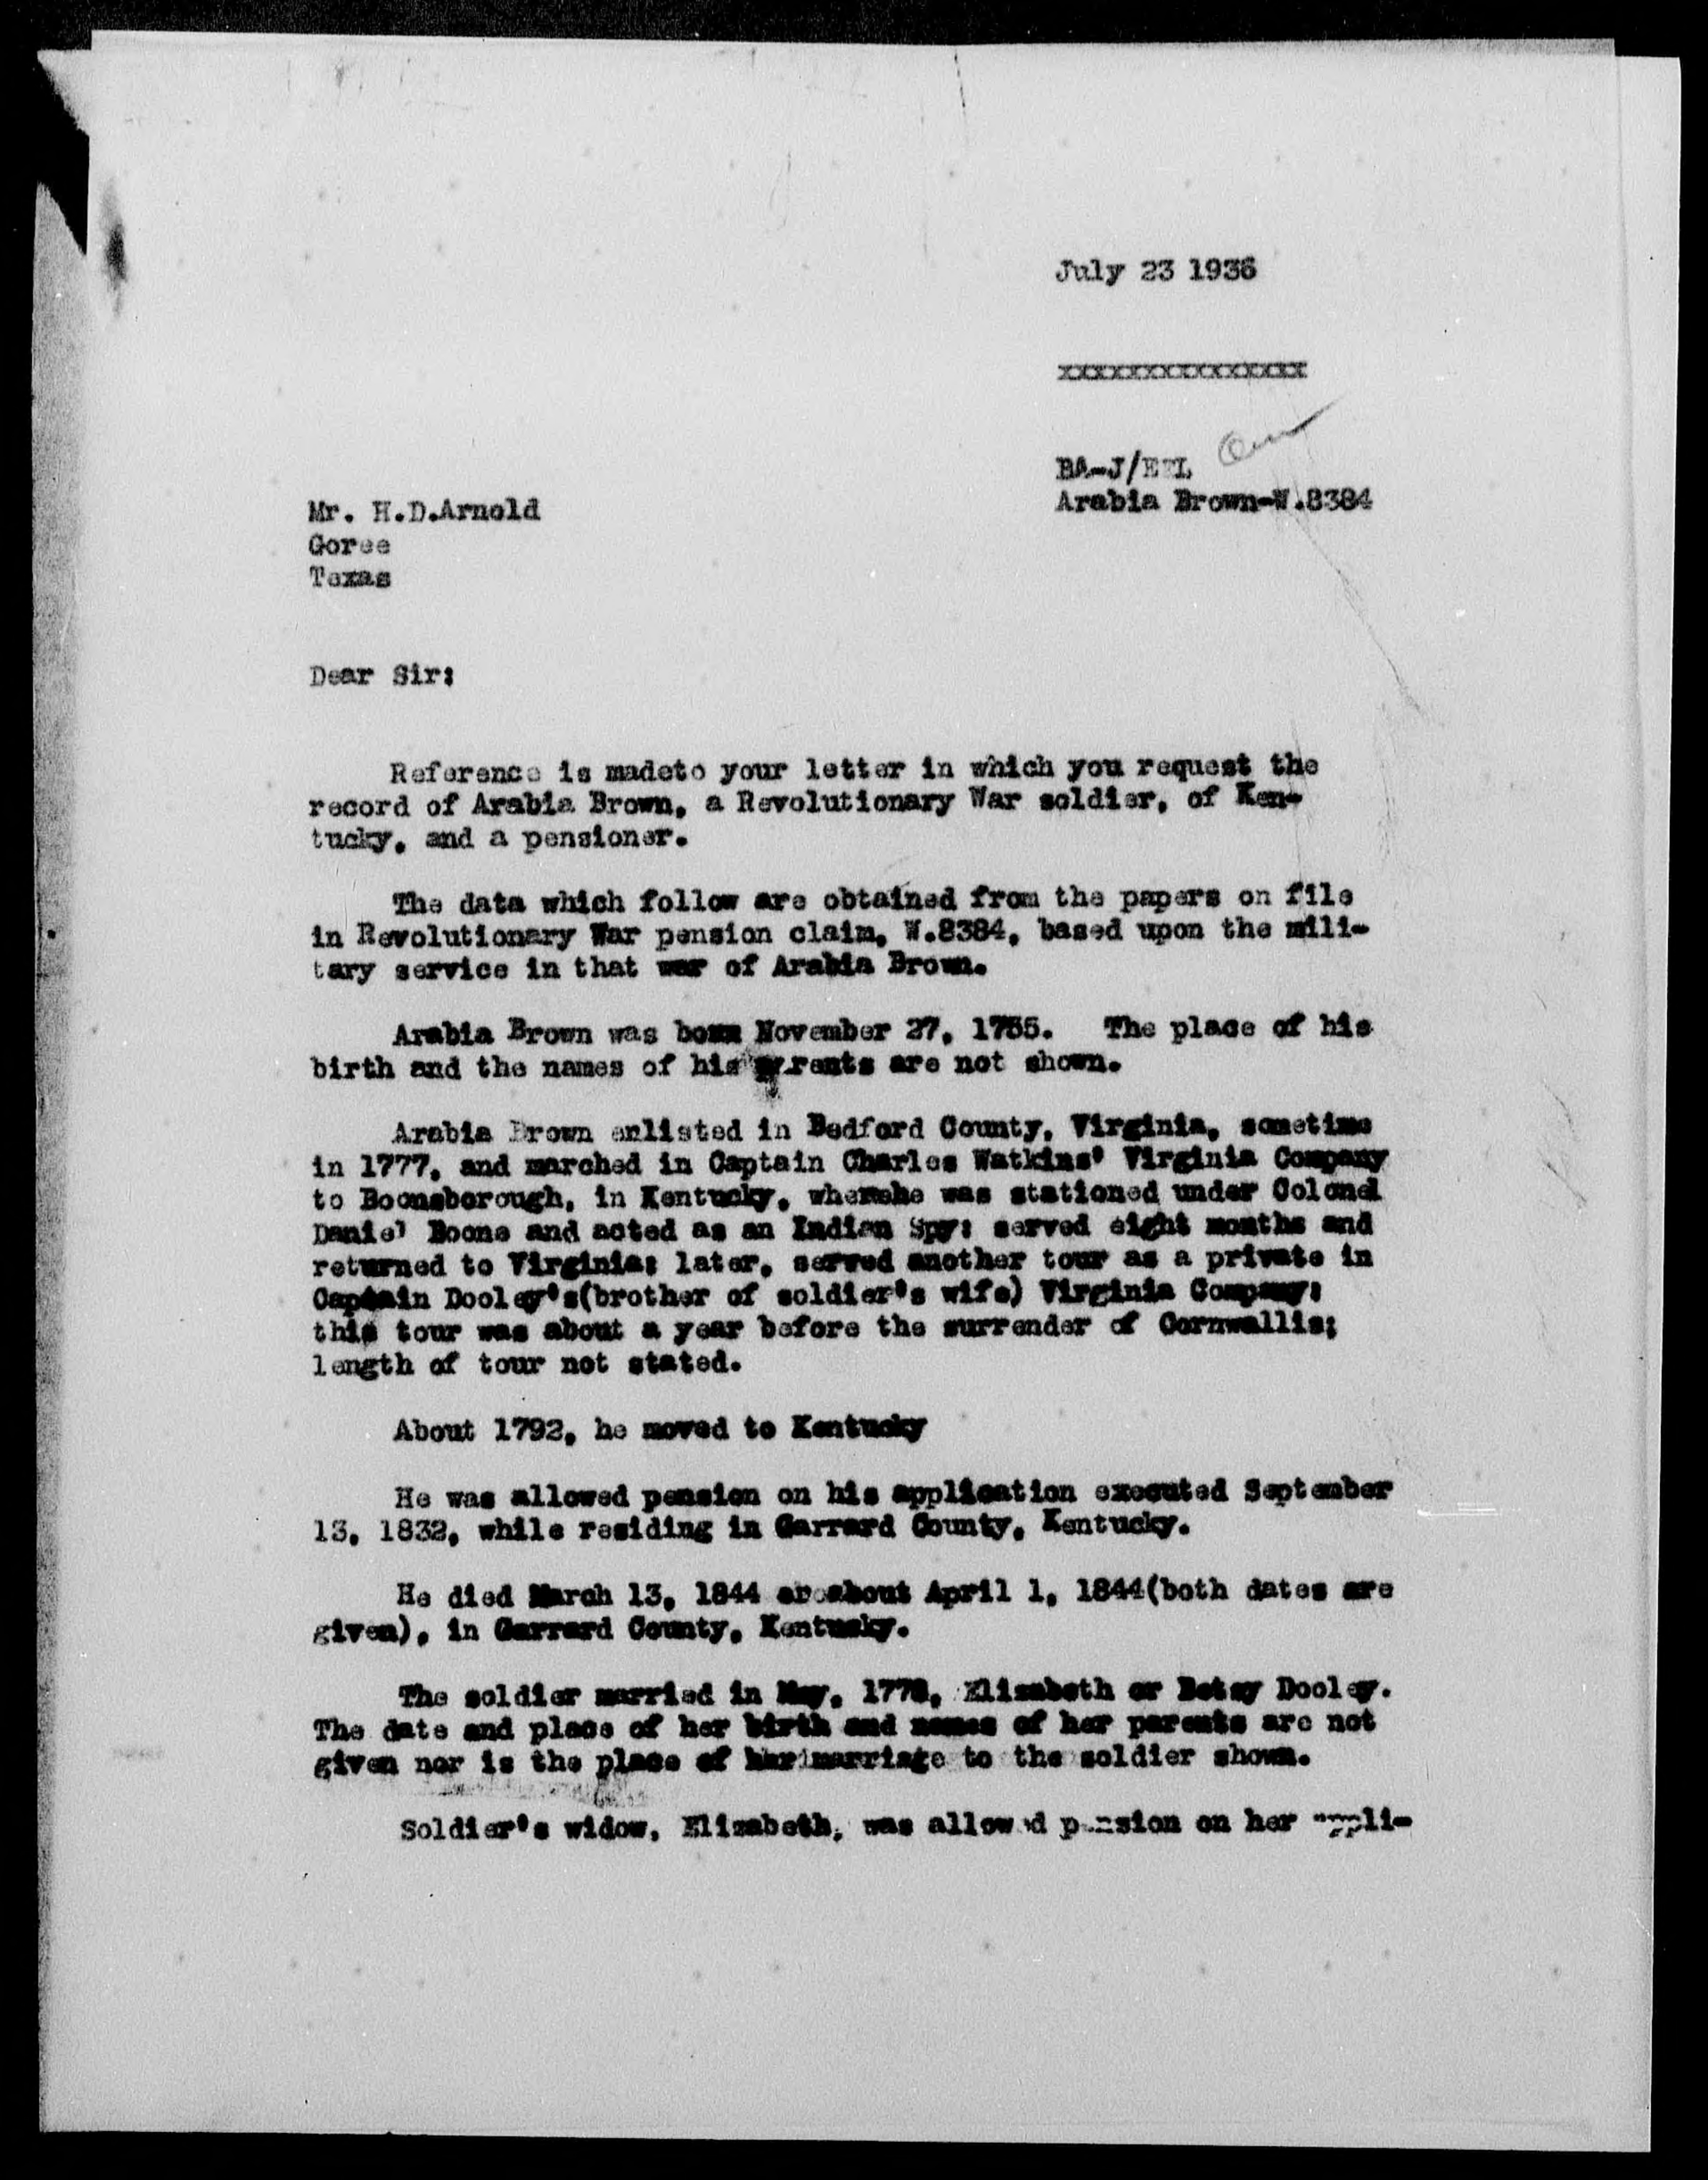July 23 1936
xxxxxxxxxxxxxxx
BA-J/EEL [initials handwritten]
Arabia Brown-W.8384
Mr. H.D.Arnold
Goree
Texas
Dear sir:
Reference is made to your letter in whichc you request the record of Arabia Brown, a Revolutionary War soldier, of Kentucky, and a pensioner.
The date which follow are obtained from the papers on file in Revolutionary War pension claim, W.8383, based upon the military service in that war of Arabia Brown.
Arabia Brown enlisted in Bedford County, Virginia, sometime in 1777, and marched in Captain Charles Watkins Virginia Company to Boonborough, in Kentucky. Where he was stationed under Colonel Daniel Boone and acted as an Indian Spy: served eight months and returned to Virginia: later, served another tour as a private in Captain Dooleys(brother of soldiers wife) Virginia Company: this tour was about a year before the surrender or Cornwallis; length of tour not stated.
About 1792, he moved to Kentucky
He was allowed pension on his application executed September 13, 1832 while residing in Garrard county. Kentucky.
He died march 13th, 1844 about April 1st, 1844(both dates are given), in Garrard county, Kentucky.
The soldier married in May, 1778, Elizabeth or Betsy Dooley. The date and place of her birth and name of her parents are not given nor is the place of her marriage to the soldier shown. Soldiers widow, Elizabeth, was allowed pension on her appli-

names: Arabia Brown, Daniel Boone, Arabia Brown, Arabia Brown, Arabia Brown, Arabia Brown, H D Arnold, Elizabeth Dooley, Elizabeth, Betsy Dooley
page: 19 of 65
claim: widow's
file: W. 8384, Arabia Brown, Va.